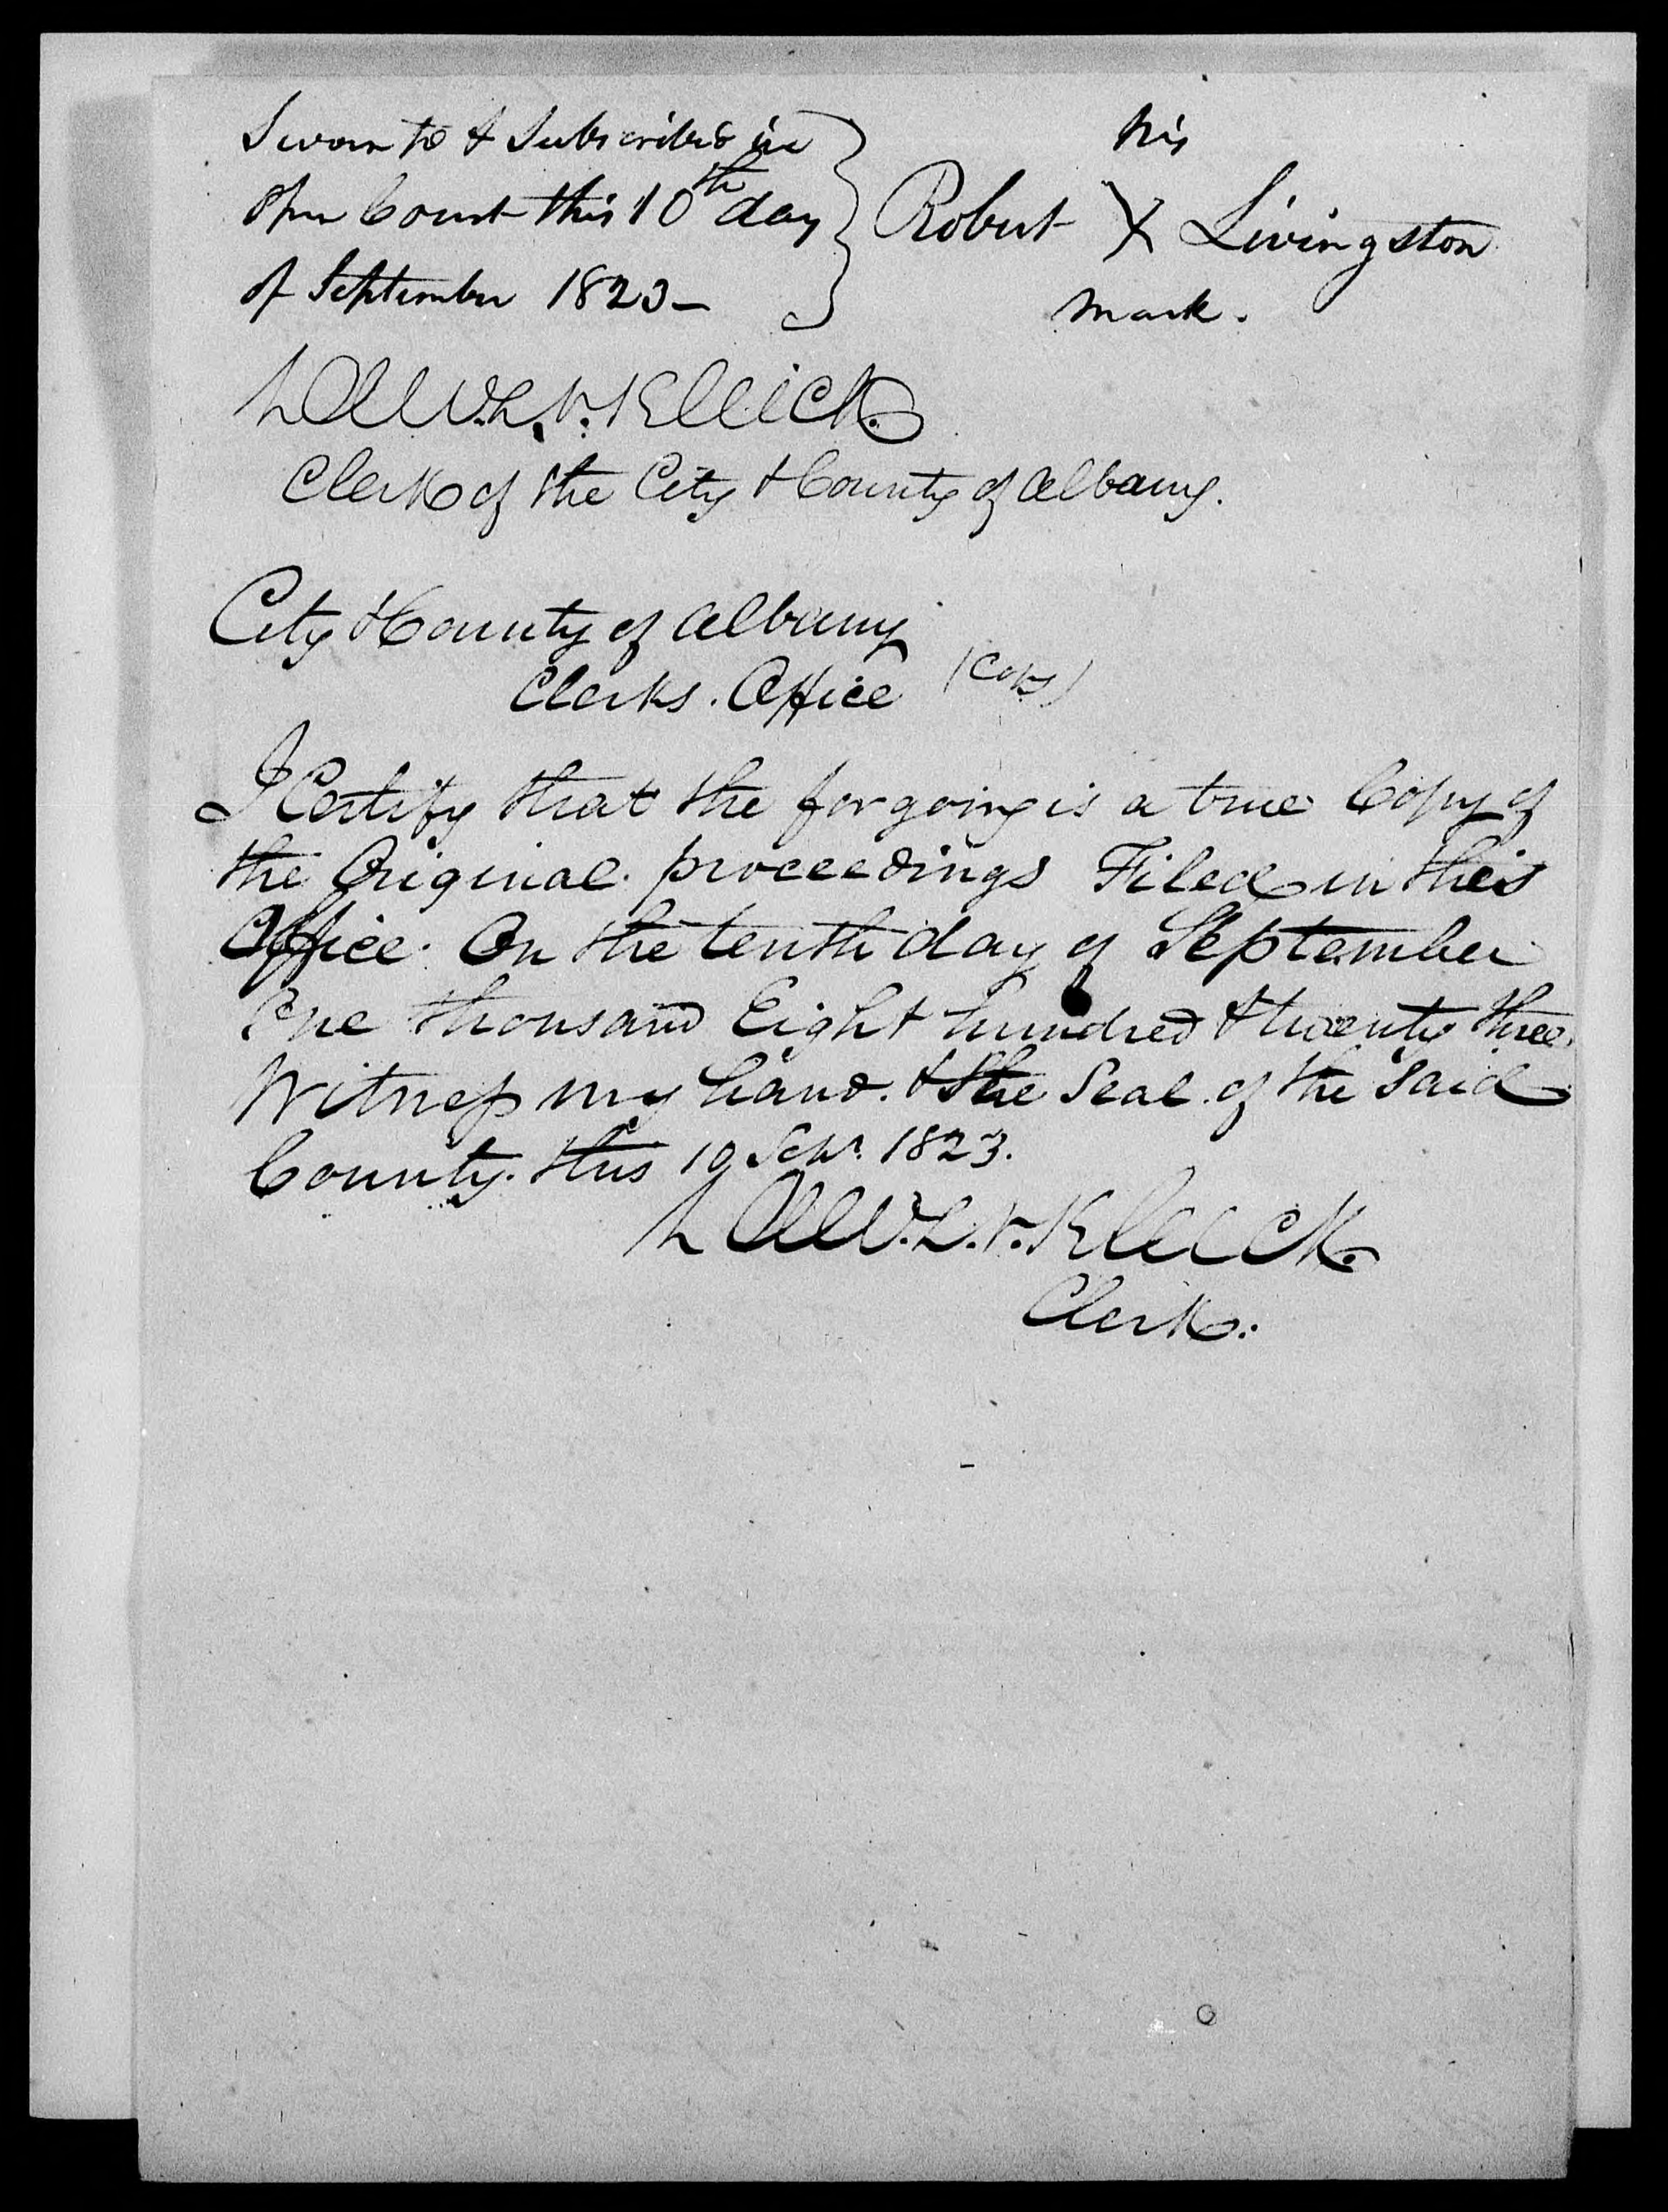Robert Livingston
His X Mark

Sworn to and Subscribed in open court this 10th day of September 1823.

Low L V Kleeck
Clerk of the City & County of Albany

City & County of Albany
Clerk's Office

I certify that the foregoing is a true copy of the original proceedings filed in this office on the tenth day of September one thousand eight hundred & twenty-three witness y hand & the seal of the said county this 10 Sept 1823.

Low L V Kleeck
Clerk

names: Low L V Kleeck; Robert Livingston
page: 7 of 23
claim: survivor's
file: S 42874, for Robert Livingston, Maryland